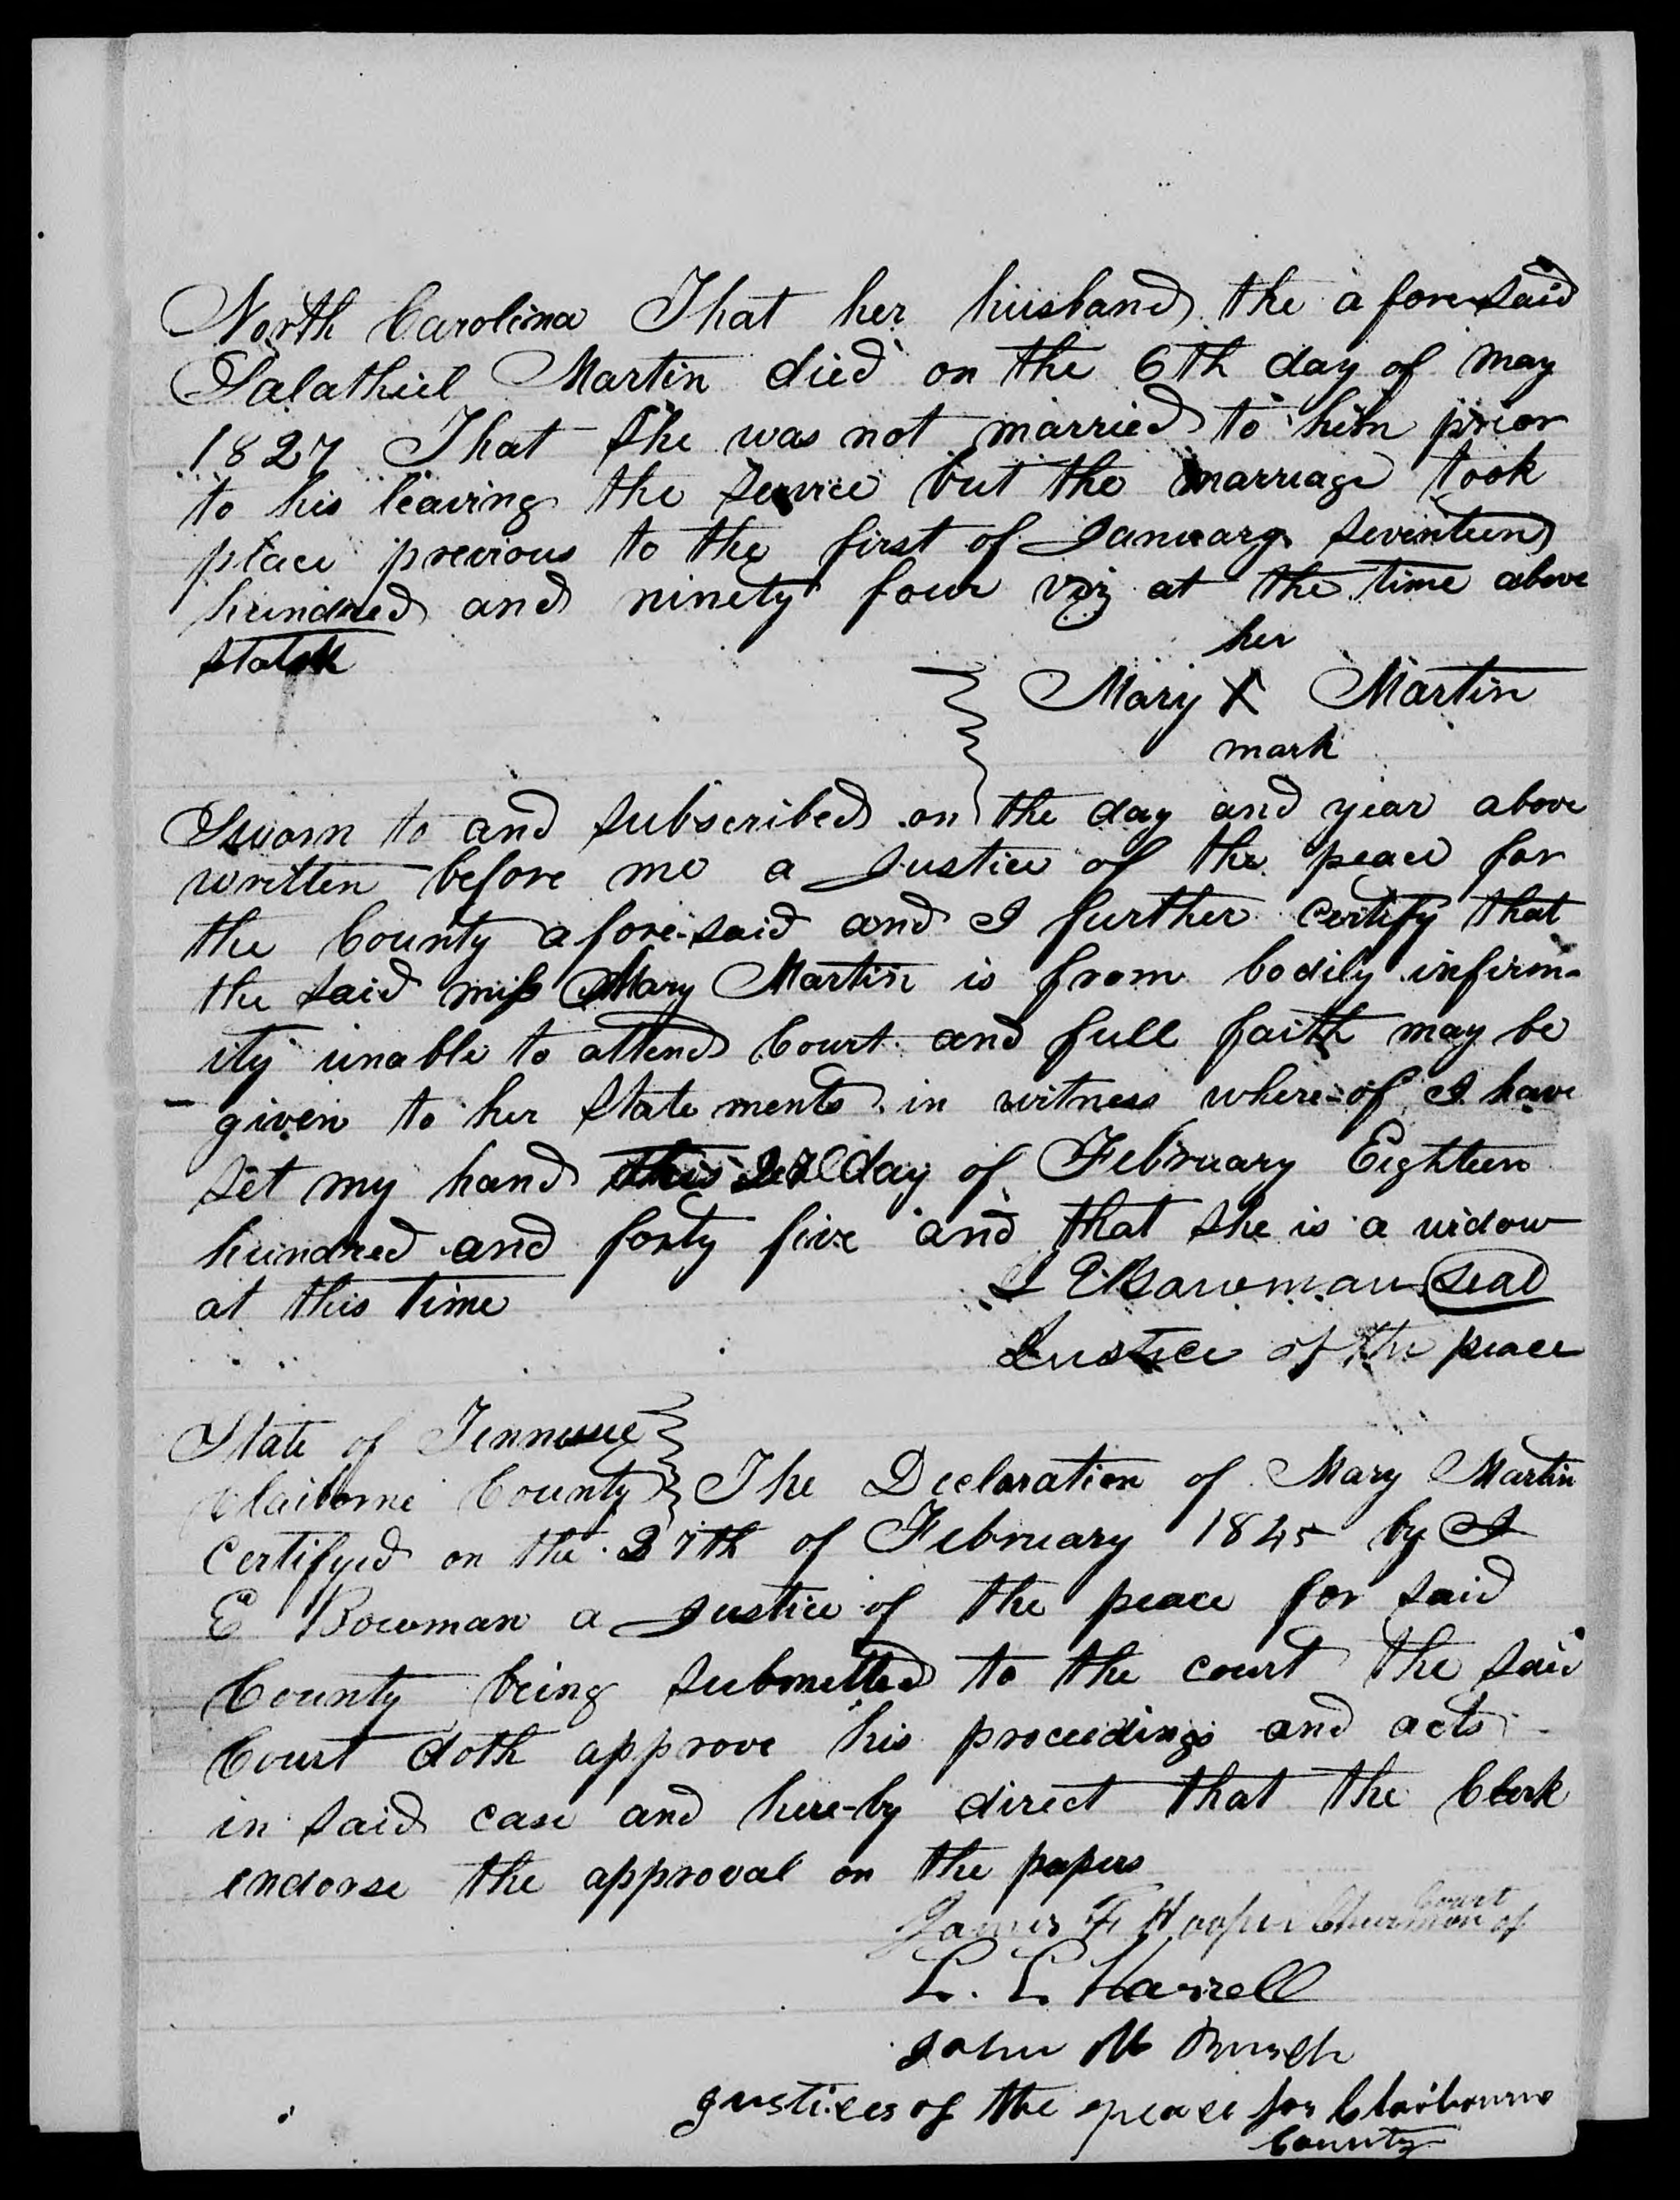North Carolina That her husband the aforesaid Salathiel Martin died on the 6th day of May 1827 That She was not married to him prior 
to his leaving the Service but the marriage took 
place previous to the first of January Seventeen hundred and ninety four viz at the time above stated 
Mary her X mark Martin 

Sworn to and subscribed on the day and year above 
written before me a Justice of the peace for 
the County afore-said and I further certify that the Said miss Mary Martin is from bodily infirm
ity unable to attend Court and full faith may be given to her Statements. in witness where-of I have 
set my hand this 27th day of February Eighteen hundred and forty five and that she is a widow at this time 
I E Bowman (Seal)
Justice of the peace 

State of Tennessee )
Claiborne County   )
The Declaration of Mary Martin 
Certifyed on the 27th of February 1845 by I 
E Bowman a Justice of the peace for said County being submitted to the court the said Court doth approve his proceedings and acts in said case and hereby direct that the Clerk endorse the approval on the papers 
James F Hooper Court Claiborne of
L. L. Harrell 
John M Busch 
Justices of the peace for Claiborne County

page: 6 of 120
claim: widow's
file: W. 1044, for Salathiel Martin, North Carolina